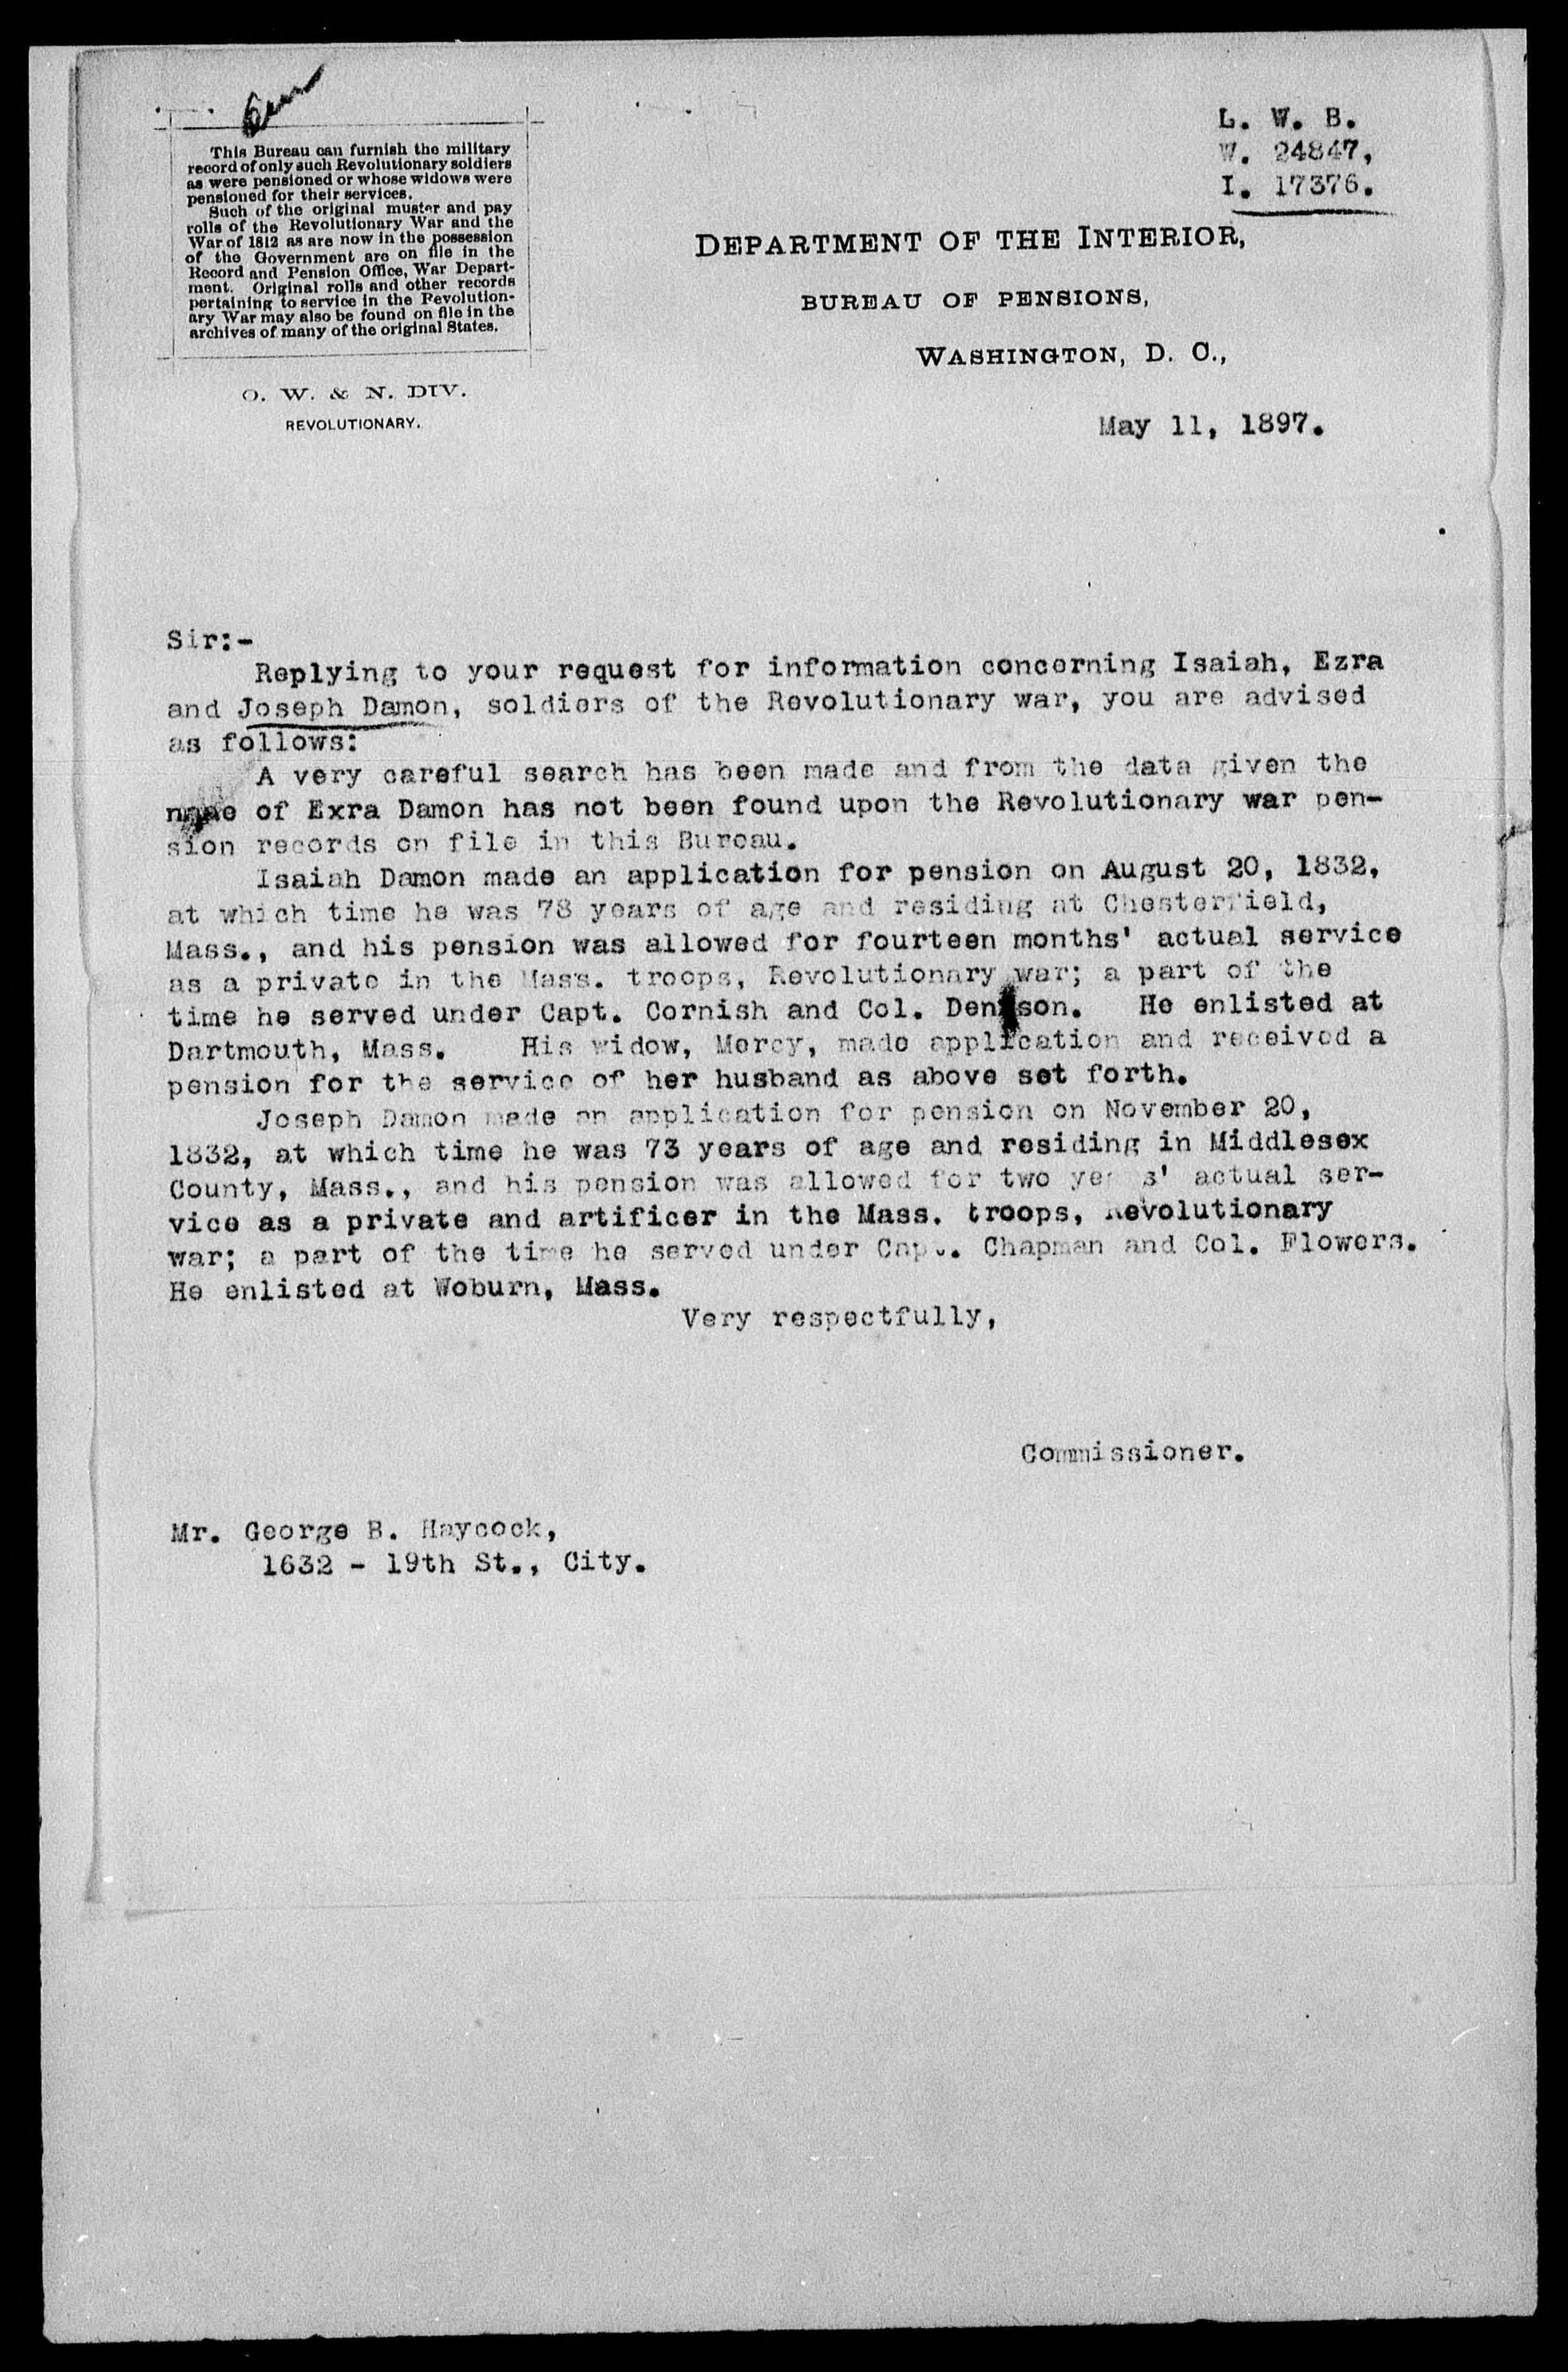This Bureau can furnish the military record of only such Revolutionary soldiers as were pensioned or whose widows were pensioned for their services. Such of the original muster and pay rolls of the Revolutionary War and the War of 1812 as are now in the possession of the Government are on file in the Record and Pension Office, War Department. Original rolls and other records pertaining to service in the Revolutionary War may also be found on file in the archives of many of the original States.

DEPARTMENT OF THE INTERIOR
BUREAU OF PENSIONS
WASHINGTON, D.C.,
O. W. & N. DIV.  May 11, 1897.
Sir:- 
Replying to your request for information concerning Isaiah, Ezra and Joseph Damon, soldiers of the Revolutionary was, you are advised as follows:
A very careful search has been made and from the data given Exra Damon has not been found upon the Revolutionary war pension records of file in this Bureau.
Isaiah Damon made an application for pension of August 20, 1832, at which time he was 78 years of age and residing at Chesterfield, Mass., and his pension was allowed for fourteen months' actual service as a private in the Mass. troops, Revolutionary war; a part of the time he served under Capt. Cornish and Col. Den[smudge]son. He enlisted at Dartmouth, Mass. His widow, Mercy, made application and received a pension for the service of her husband as above set forth.
Joseph Damon made an application for pension on November 20, 1832, at which time he was 73 years of age and residing in Middlesex County, Mass., and his pension was allowed for two years' actual service as a private and artificer in the Mass. troops, Revolutionary war; a part of the time he served under Capt. Chapman and Col. Flowers. He enlisted at Woburn, Mass.
Very respectfully,

Commissioner.

Mr. George B. Haycock,
1632 - 19th St., City.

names: Denison, Flowers, Joseph Damon, Exra Damon, Chapman, Ezra Damon, Cornish, Mercy, Isaiah Damon, George B Haycock, Isaiah Damon, Joseph Damon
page: 16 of 28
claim: survivor's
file: S. 17376, Joseph Damon, Continental Mass.